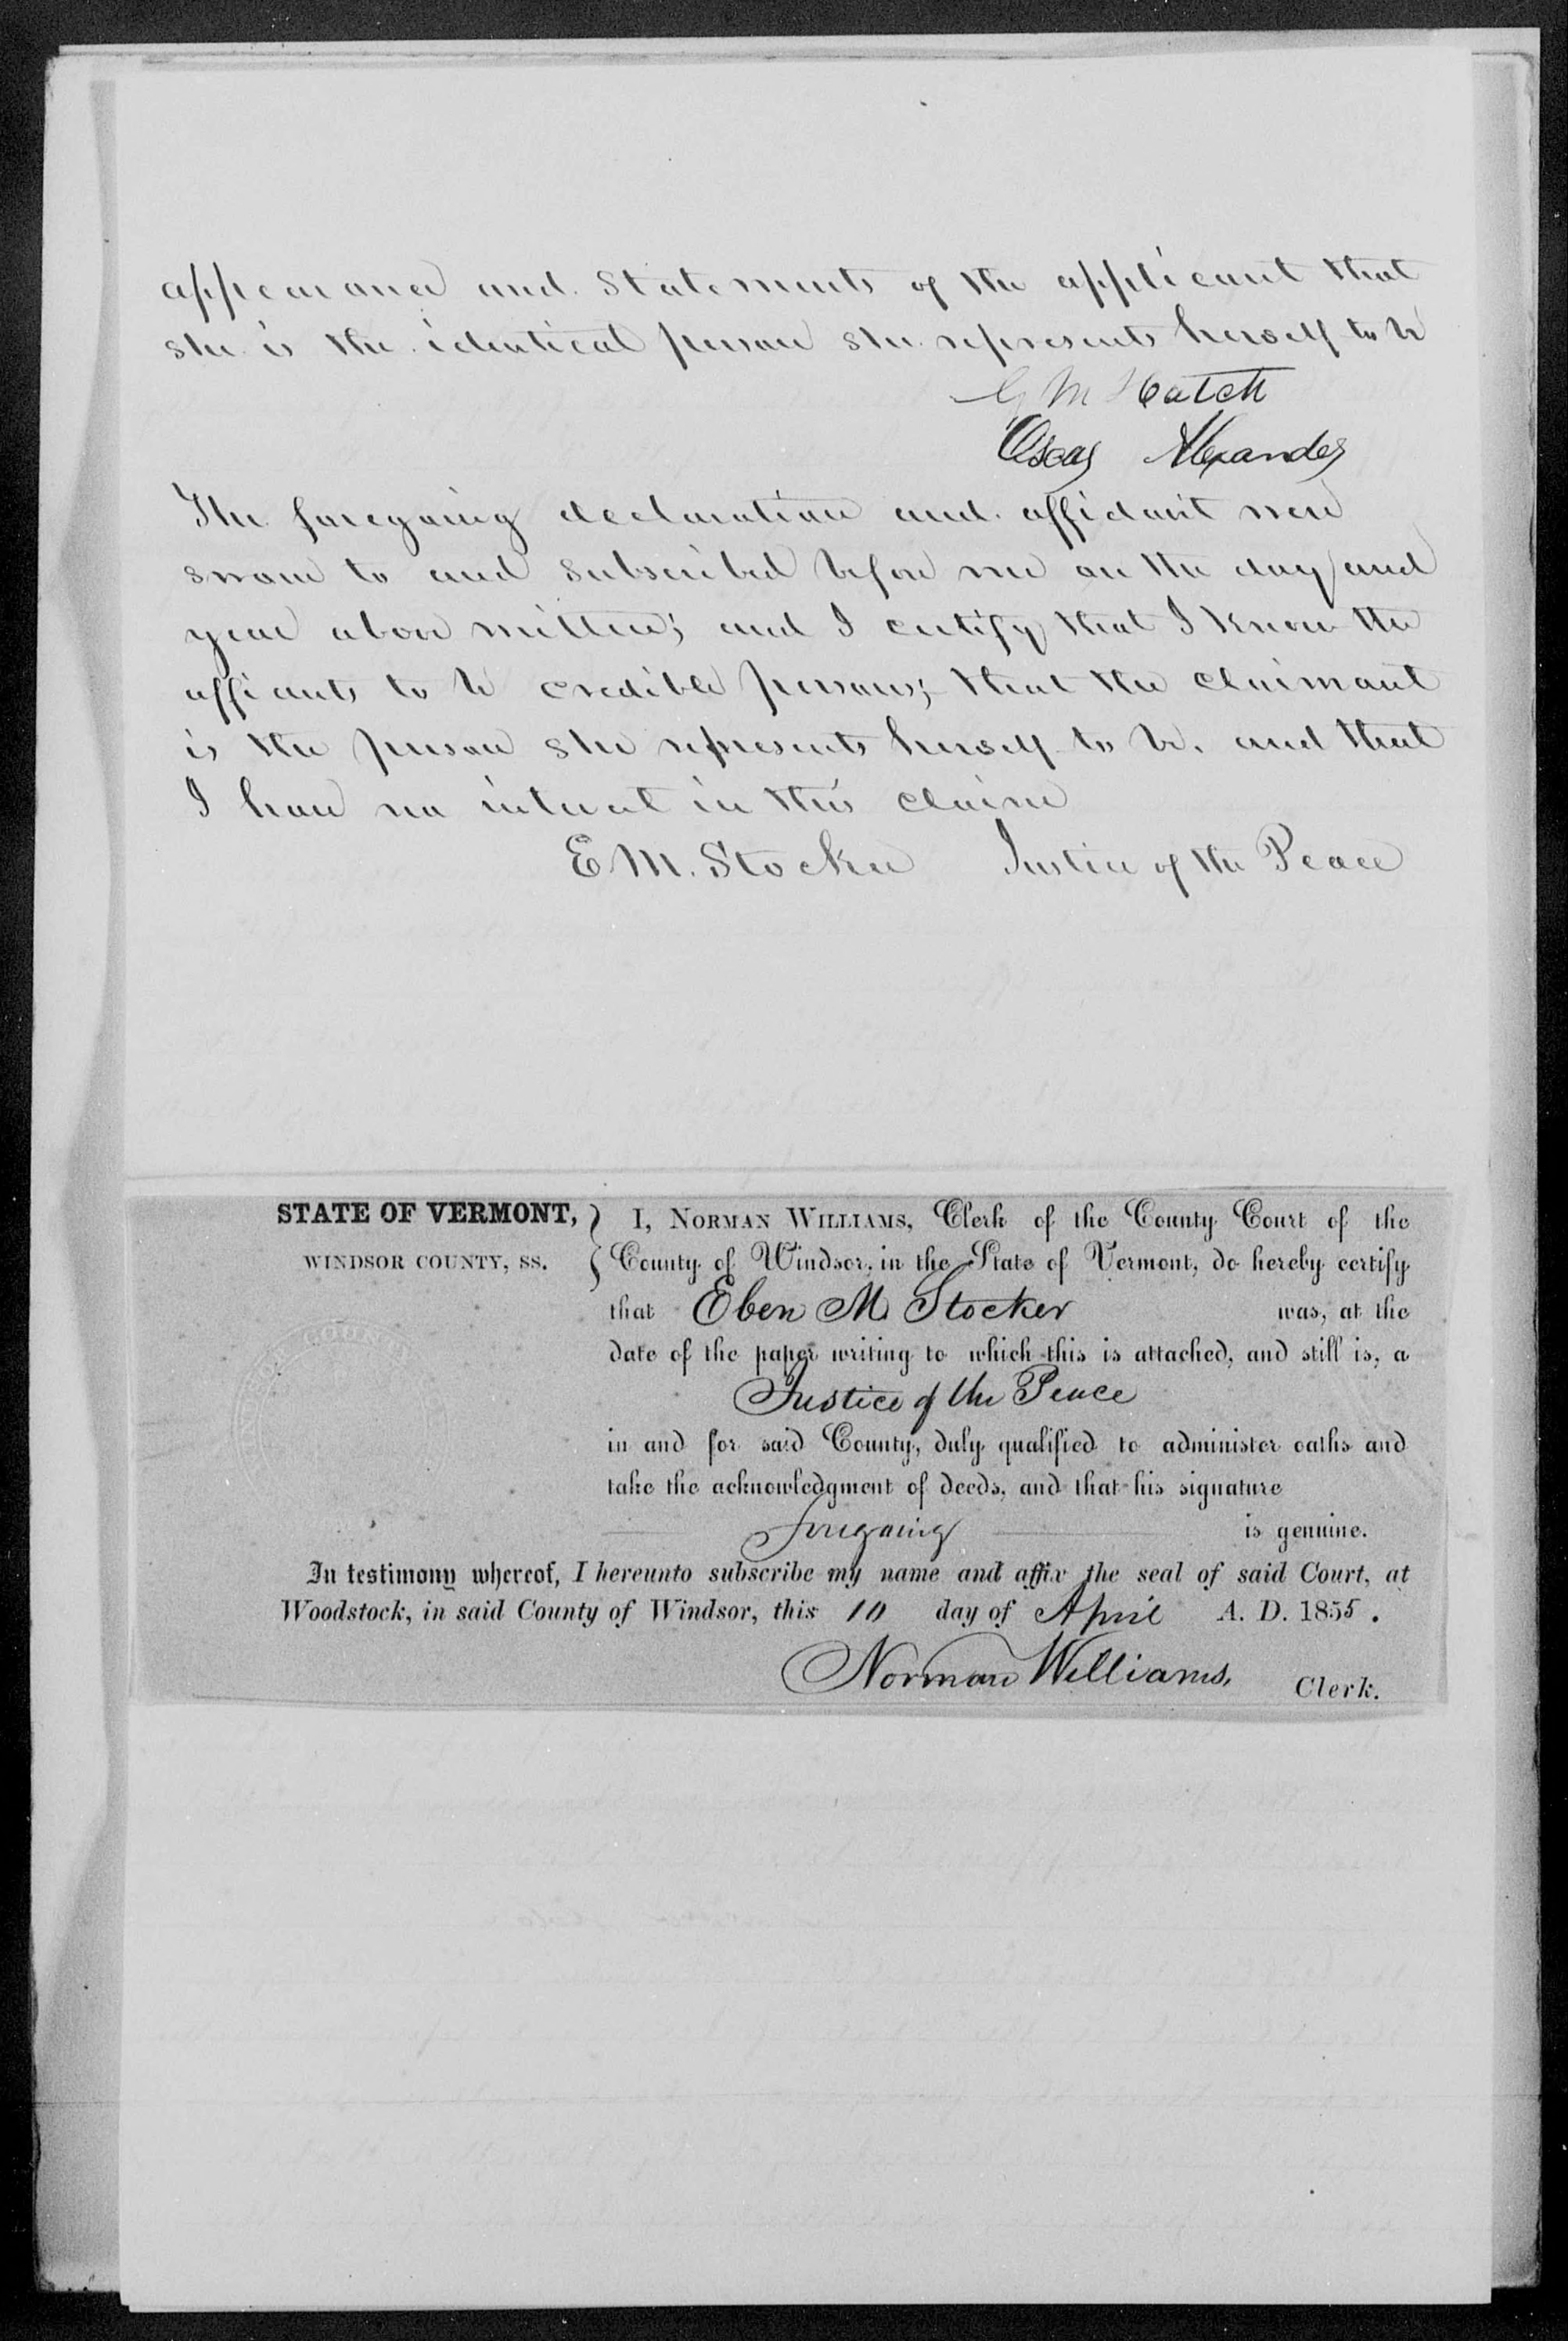appearance and statements of the applicant that she is the identical person she represents hereof to be.
[signature: G? M Hatch]
[signature: Oscar Alexander]

The foregoing declaration and affidavit were sworn to and subscribed before me on the day and year above written; and I certify that I know the applicants to be credible persons; that the claimant is the person she represents herself to be, and that I have no interest in this claim

E M. Stocker Justice of the Peace

[end handwritten]


STATE OF VERMONT, }
WINDSOR COUNTY, ss. } I, Norman Williams, Clerk of the County Court of the County of Windsor, in the State of Vermont, do hereby certify that [handwritten: Eben M Stocker] was, at the date of the page writing to which this is attached, and still is a [handwritten: Justice of the Peace] in and for said County, duly qualified to administer oath and take the acknowledgment of deeds, and that his signature [handwritten: - foregoing -] is genuine.

In testimony whereof, I hereunto subscribe my name and affix the seal of said Court, at Woodstock, in said County of Windsor, this [handwritten: 10] day of [handwritten: April] A. D. 1855.
[handwritten: Norman Williams,] Clerk.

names: G M Hatch, Norman Williams, Norman Williams, Eben M Stocker, E M Stocker, Oscar Alexander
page: 13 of 47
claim: widow's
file: W. 225, Gilbert Hatch, Conn.